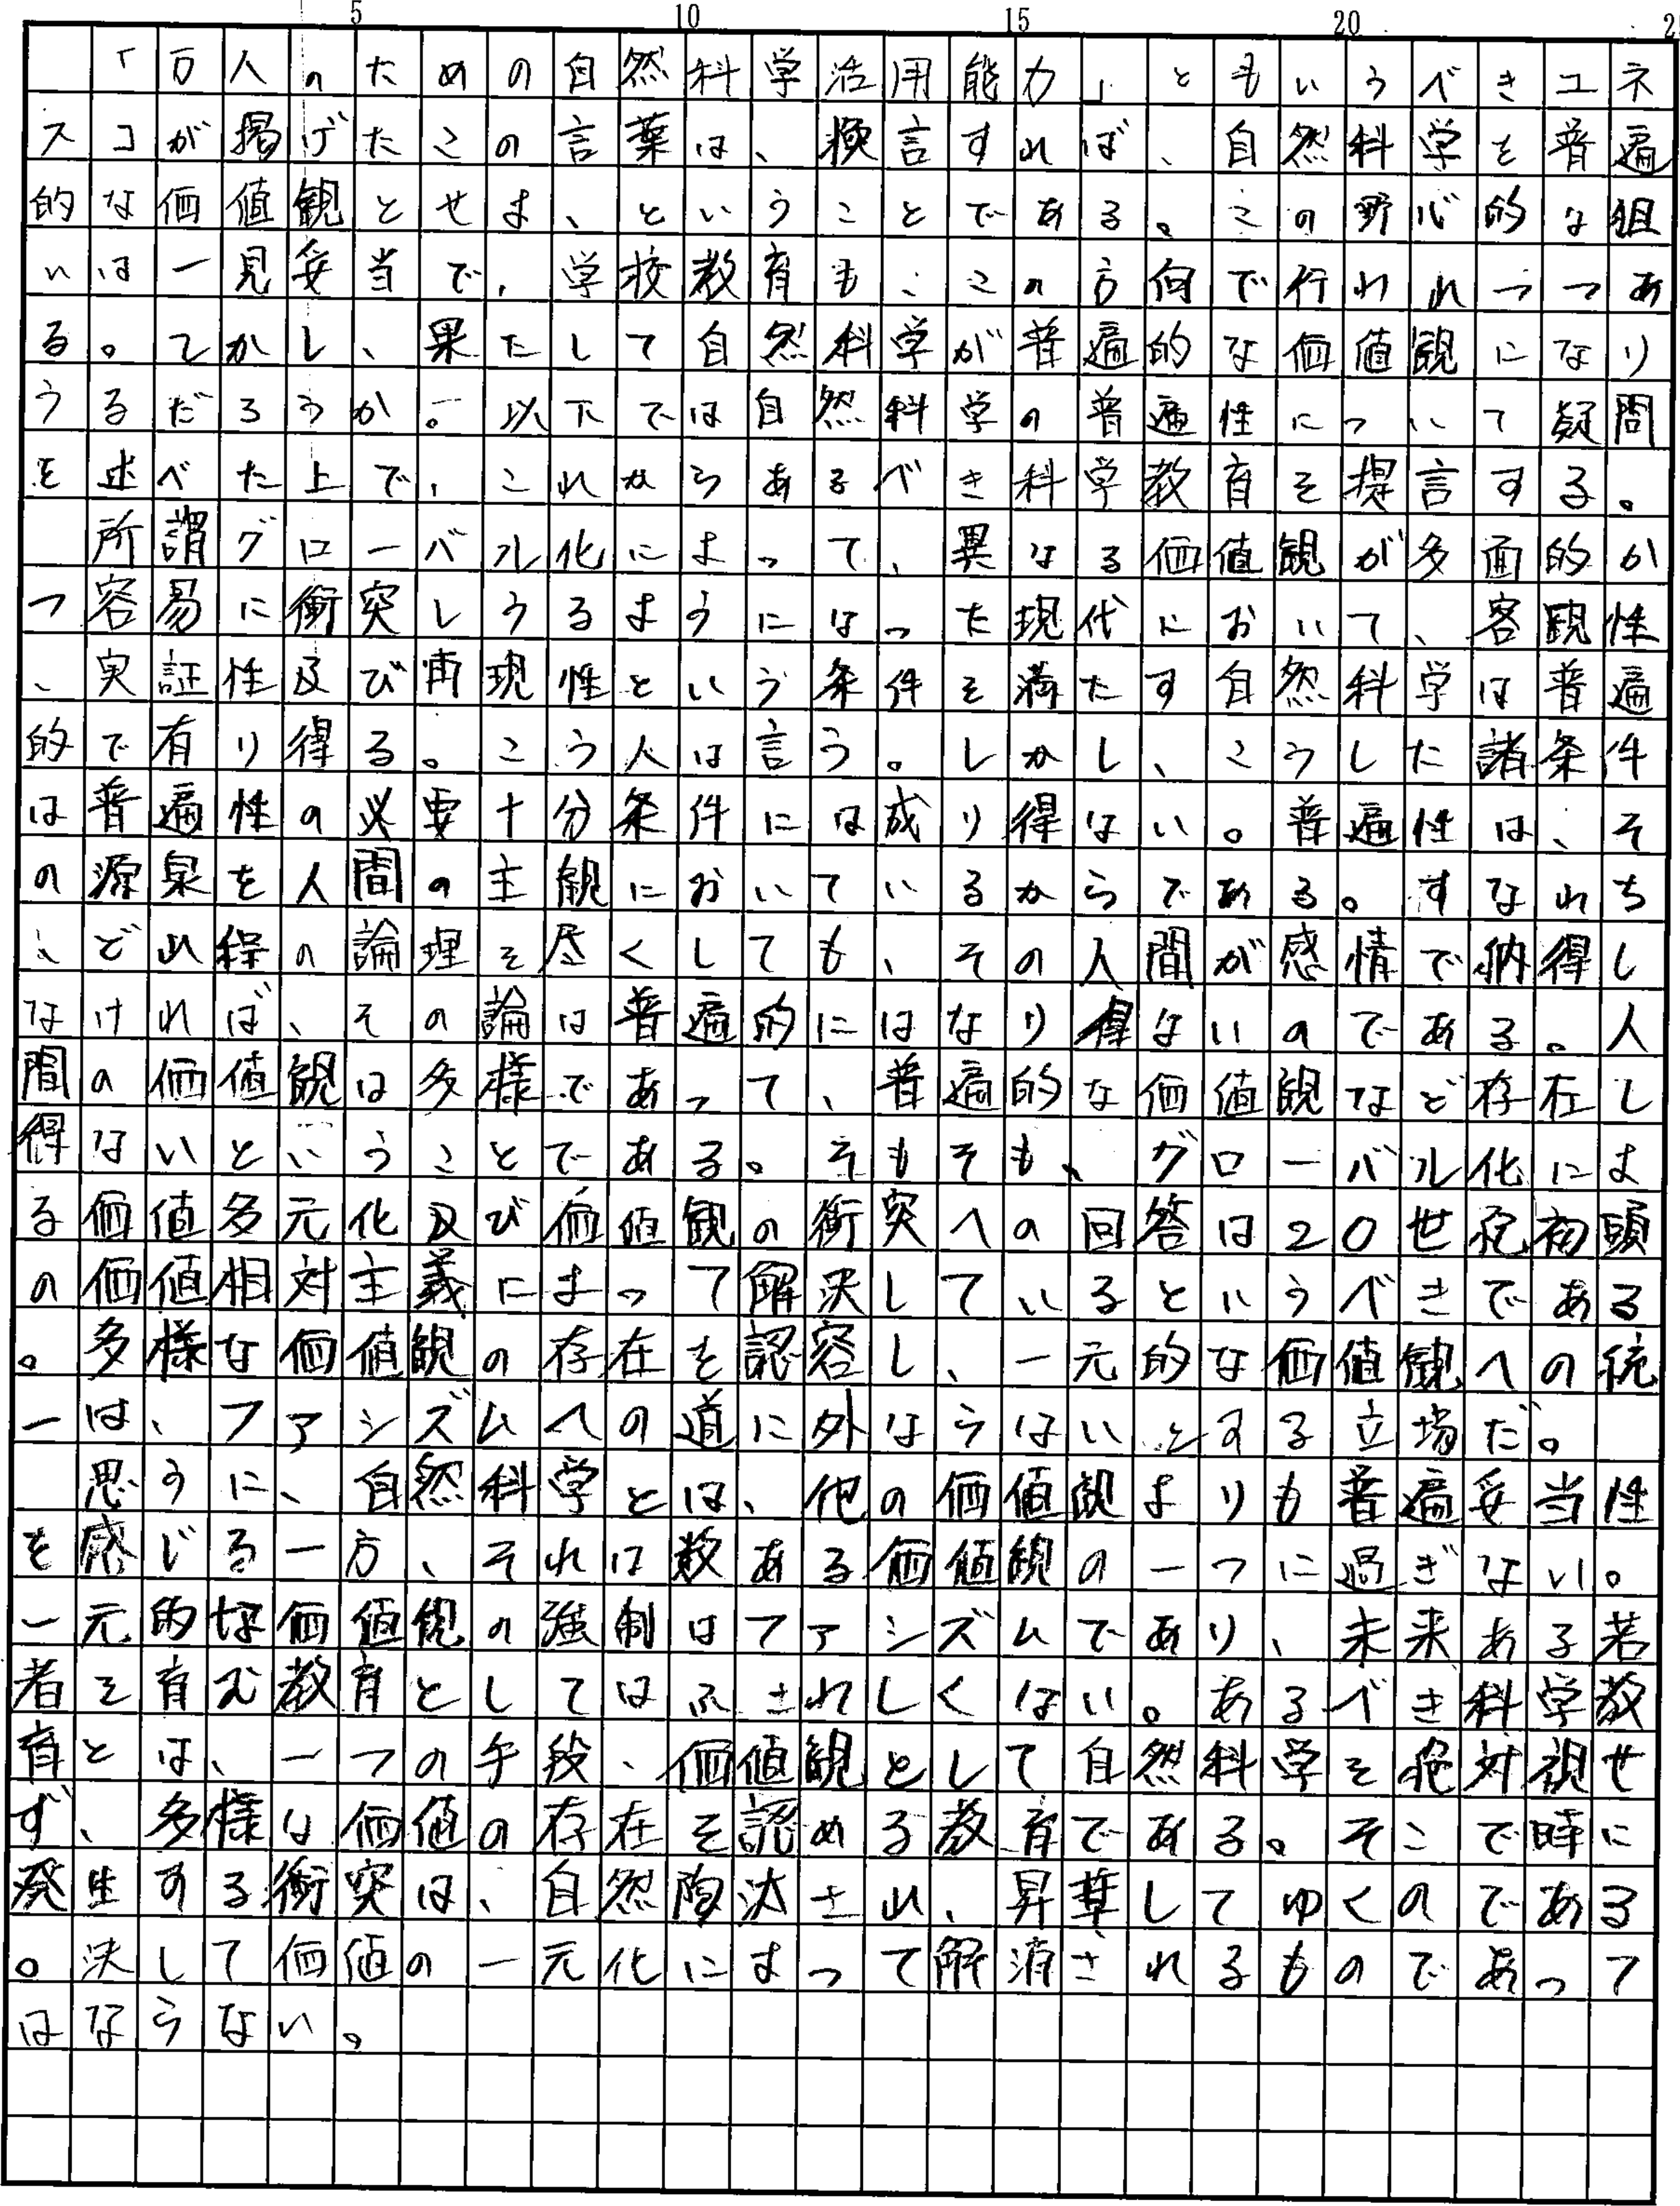　「万人のための自然科学活用能力」ともいうべきユネスコが掲げたこの言葉は、換言すれば、自然科学を普遍的な価値観とせよ、ということである。この野心的な狙いは一見妥当で、学校教育も、この方向で行われつつある。しかし、果たして自然科学が普遍的な価値観になりうるだろうか。以下では自然科学の普遍性について疑問を述べた上で、これからあるべき科学教育を提言する。
　所謂グローバル化によって、異なる価値観が多面的かつ容易に衝突しうるようになった現代において、客観性、実証性及び再現性という条件を満たす自然科学は普遍的で有り得る。こう人は言う。しかし、こうした諸条件は普遍性の必要十分条件には成り得ない。普遍性は、その源泉を人間の主観においているからである。すなわち、どれ程の論理を尽くしても、その人間が感情で納得しなければ、その論は普遍的にはなり得ないのである。人間の価値観は多様であって、普遍的な価値観など存在し得ないということである。そもそも、グローバル化による価値多元化及び価値観の衝突への回答は２０世紀初頭の価値相対主義によって解決しているというべきである。多様な価値観の存在を認容し、一元的な価値観への統一は、ファシズムへの道に外ならないとする立場だ。
　思うに、自然科学とは、他の価値観よりも普遍妥当性を感じる一方、それは数ある価値観の一つに過ぎない。一元的な価値観の強制はファシズムであり、未来ある若者を育む教育としてはふさわしくない。あるべき科学教育とは、一つの手段、価値観として自然科学を絶対視せず、多様な価値の存在を認める教育である。そこで時に発生する衝突は、自然陶汰され、昇華してゆくのである。決して価値の一元化によって解消されるものであってはならない。
